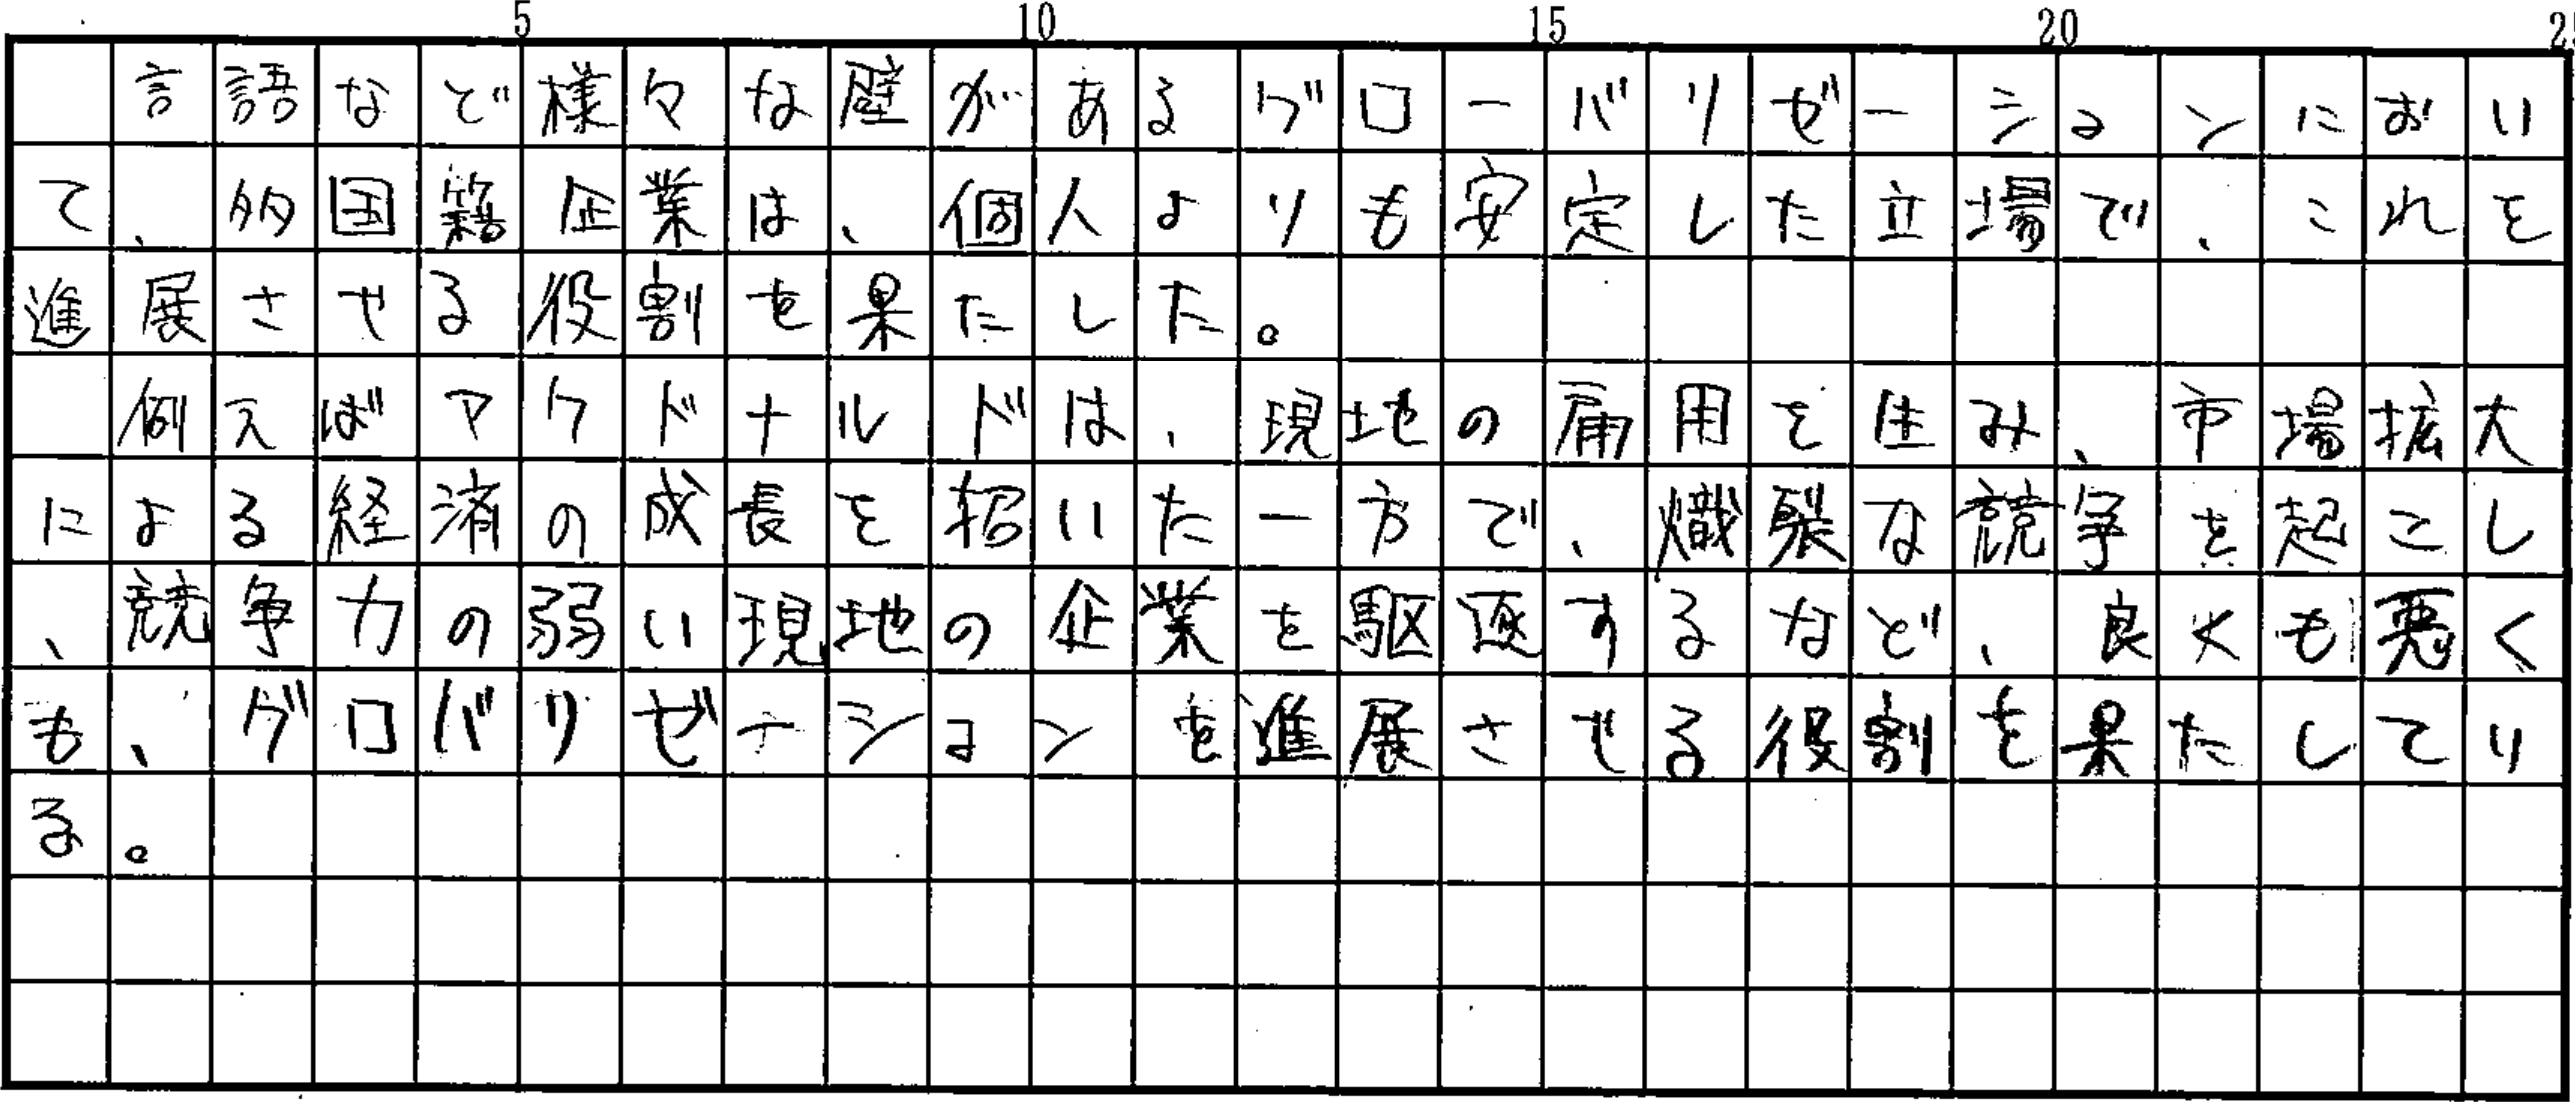　言語など様々な壁があるグローバリゼーションにおいて、多国籍企業は、個人よりも安定した立場で、これを進展させる役割を果たした。
　例えばマクドナルドは、現地の雇用を生み、市場拡大による経済の成長を招いた一方で、熾裂な競争を起こし、競争力の弱い現地の企業を駆逐するなど、良くも悪くも、グロバリゼーションを進展させる役割を果たしている。
